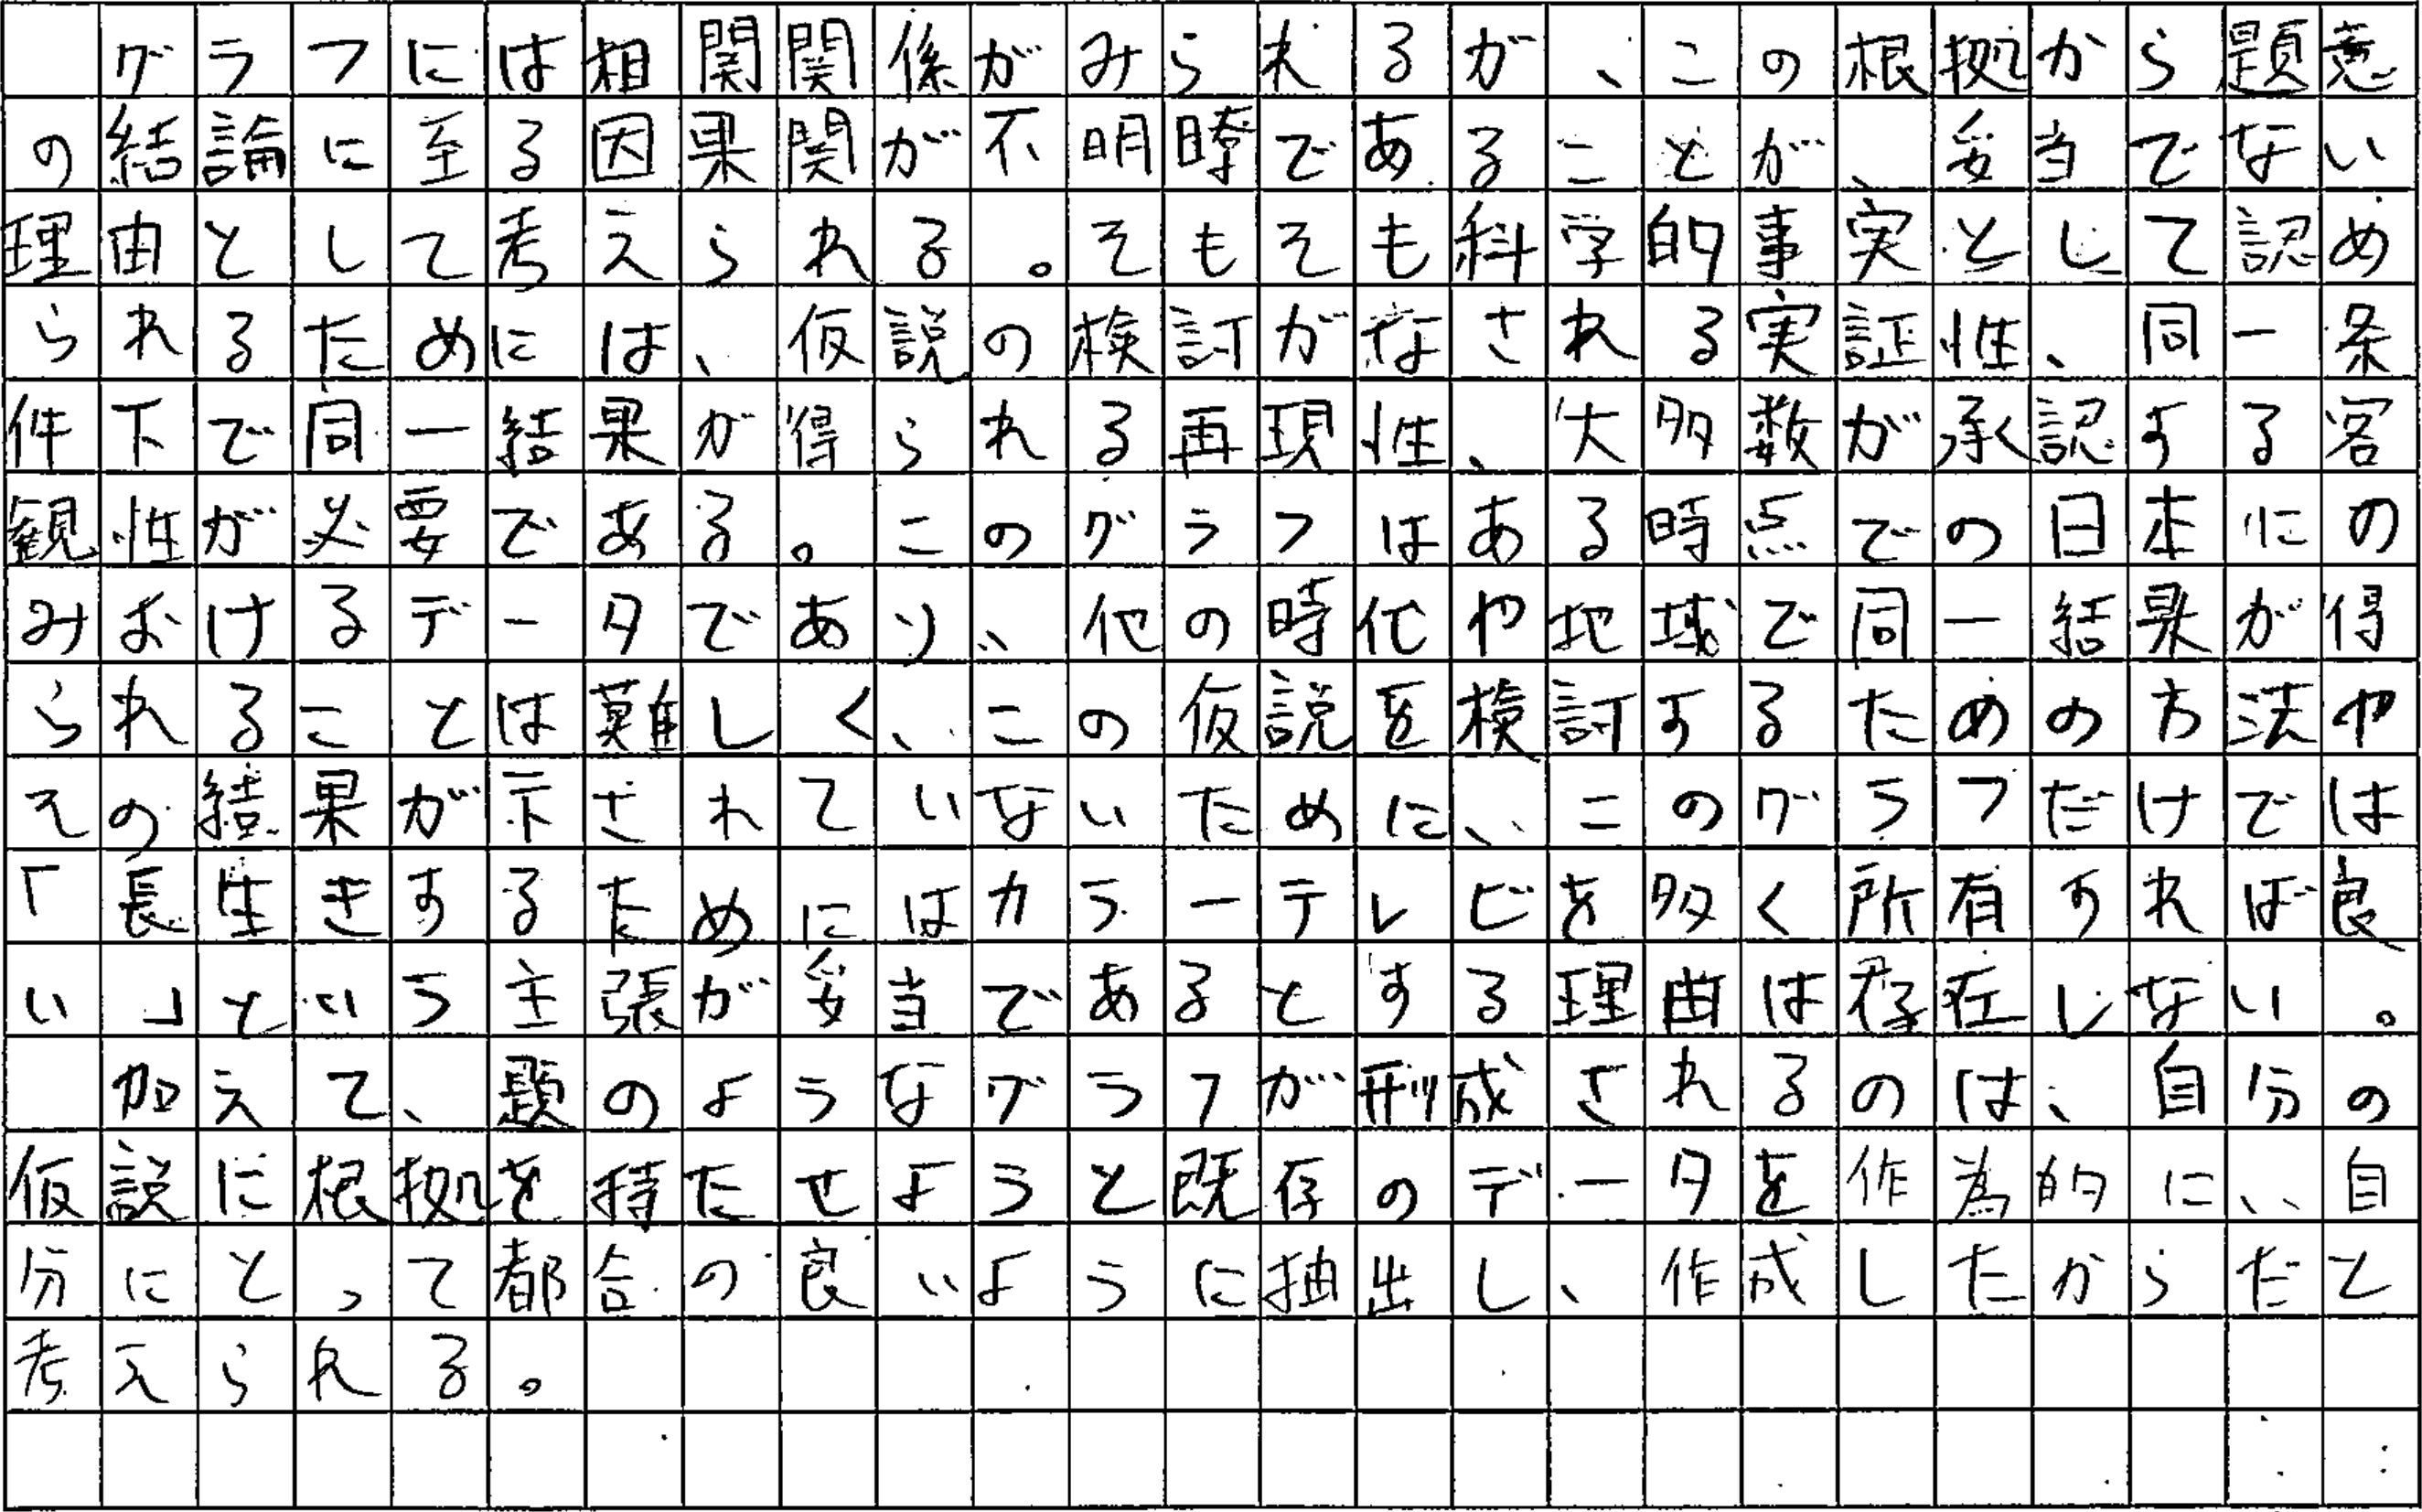　グラフには相関関係がみられるが、この根拠から題意の結論に至る因果関が不明瞭であることが、妥当でない理由として考えられる。そもそも科学的事実として認められるためには、仮説の検討がなされる実証性、同一条件下で同一結果が得られる再現性、大多数が承認する客観性が必要である。このグラフはある時点での日本にのみおけるデータであり、他の時代や地域で同一結果が得られることは難しく、この仮説を検討するための方法やその結果が示されていないために、このグラフだけでは「長生きするためにはカラーテレビを多く所有すれば良い」という主張が妥当であるとする理由は存在しない。
　加えて、題のようなグラフが形成されるのは、自分の仮説に根拠を持たせようと既存のデータを作為的に、自分にとって都合の良いように抽出し、作成したからだと考えられる。
